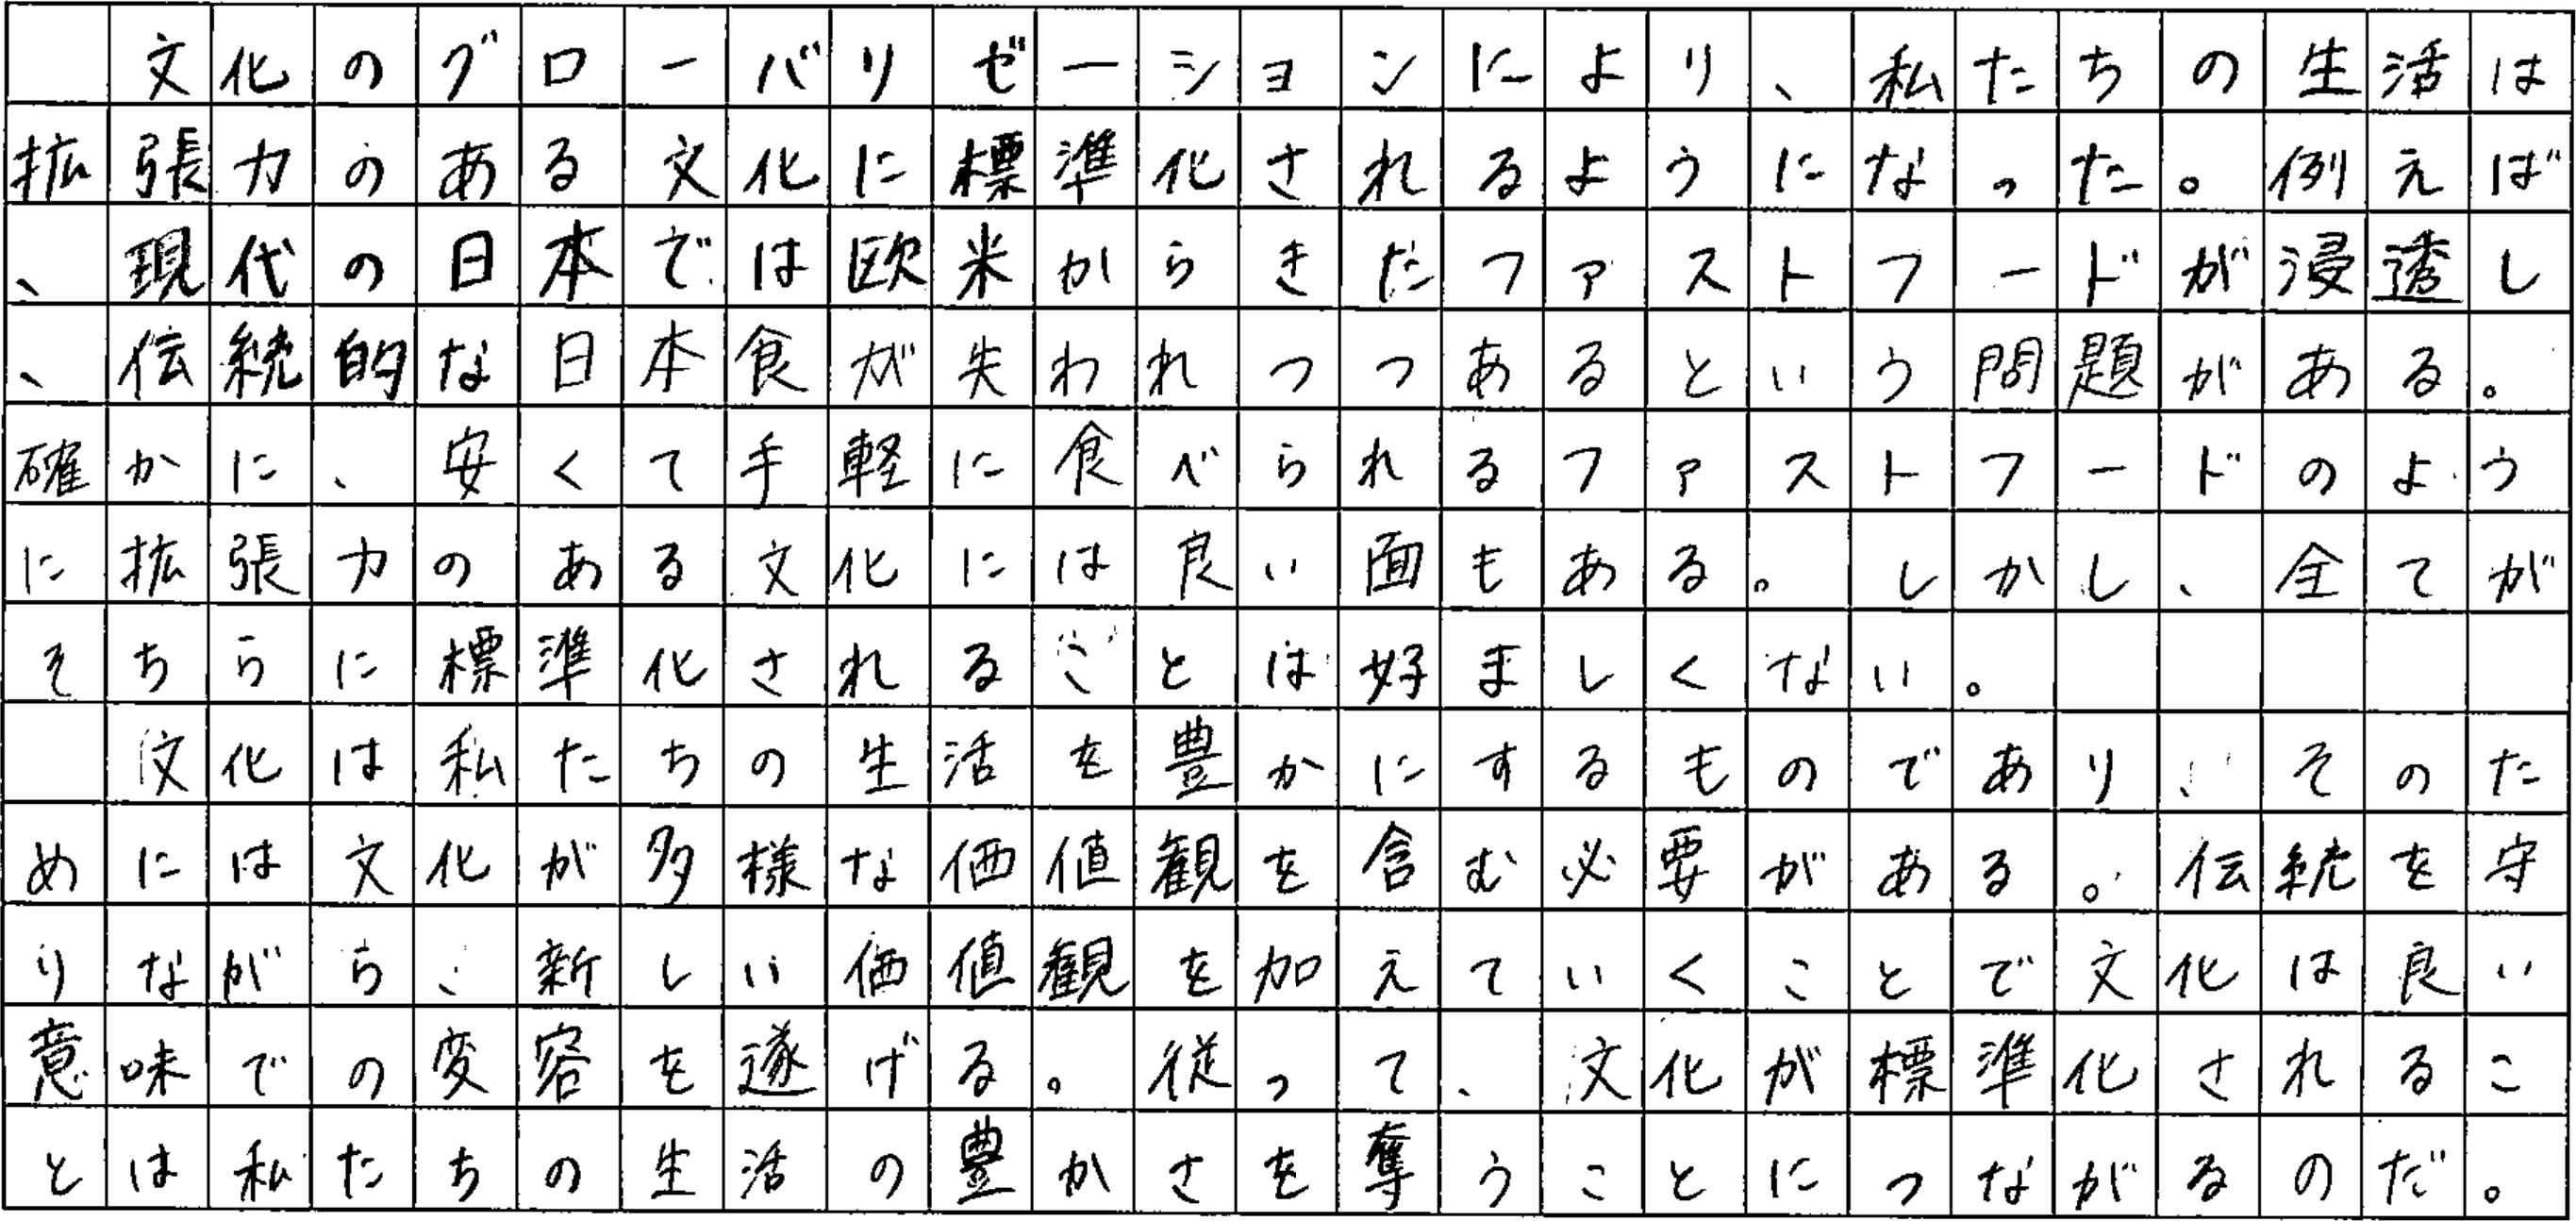　文化のグローバリゼーションにより、私たちの生活は拡張力のある文化に標準化されるようになった。例えば、現代の日本では欧米からきたファストフードが浸透し、伝統的な日本食が失われつつあるという問題がある。確かに、安くて手軽に食べられるファストフードのように拡張力のある文化には良い面もある。しかし、全てがそちらに標準化されることは好ましくない。
　文化は私たちの生活を豊かにするものであり、そのためには文化が多様な価値観を含む必要がある。伝統を守りながら、新しい価値観を加えていくことで文化は良い意味での変容を遂げる。従って、文化が標準化されることは私たちの生活の豊かさを奪うことにつながるのだ。
